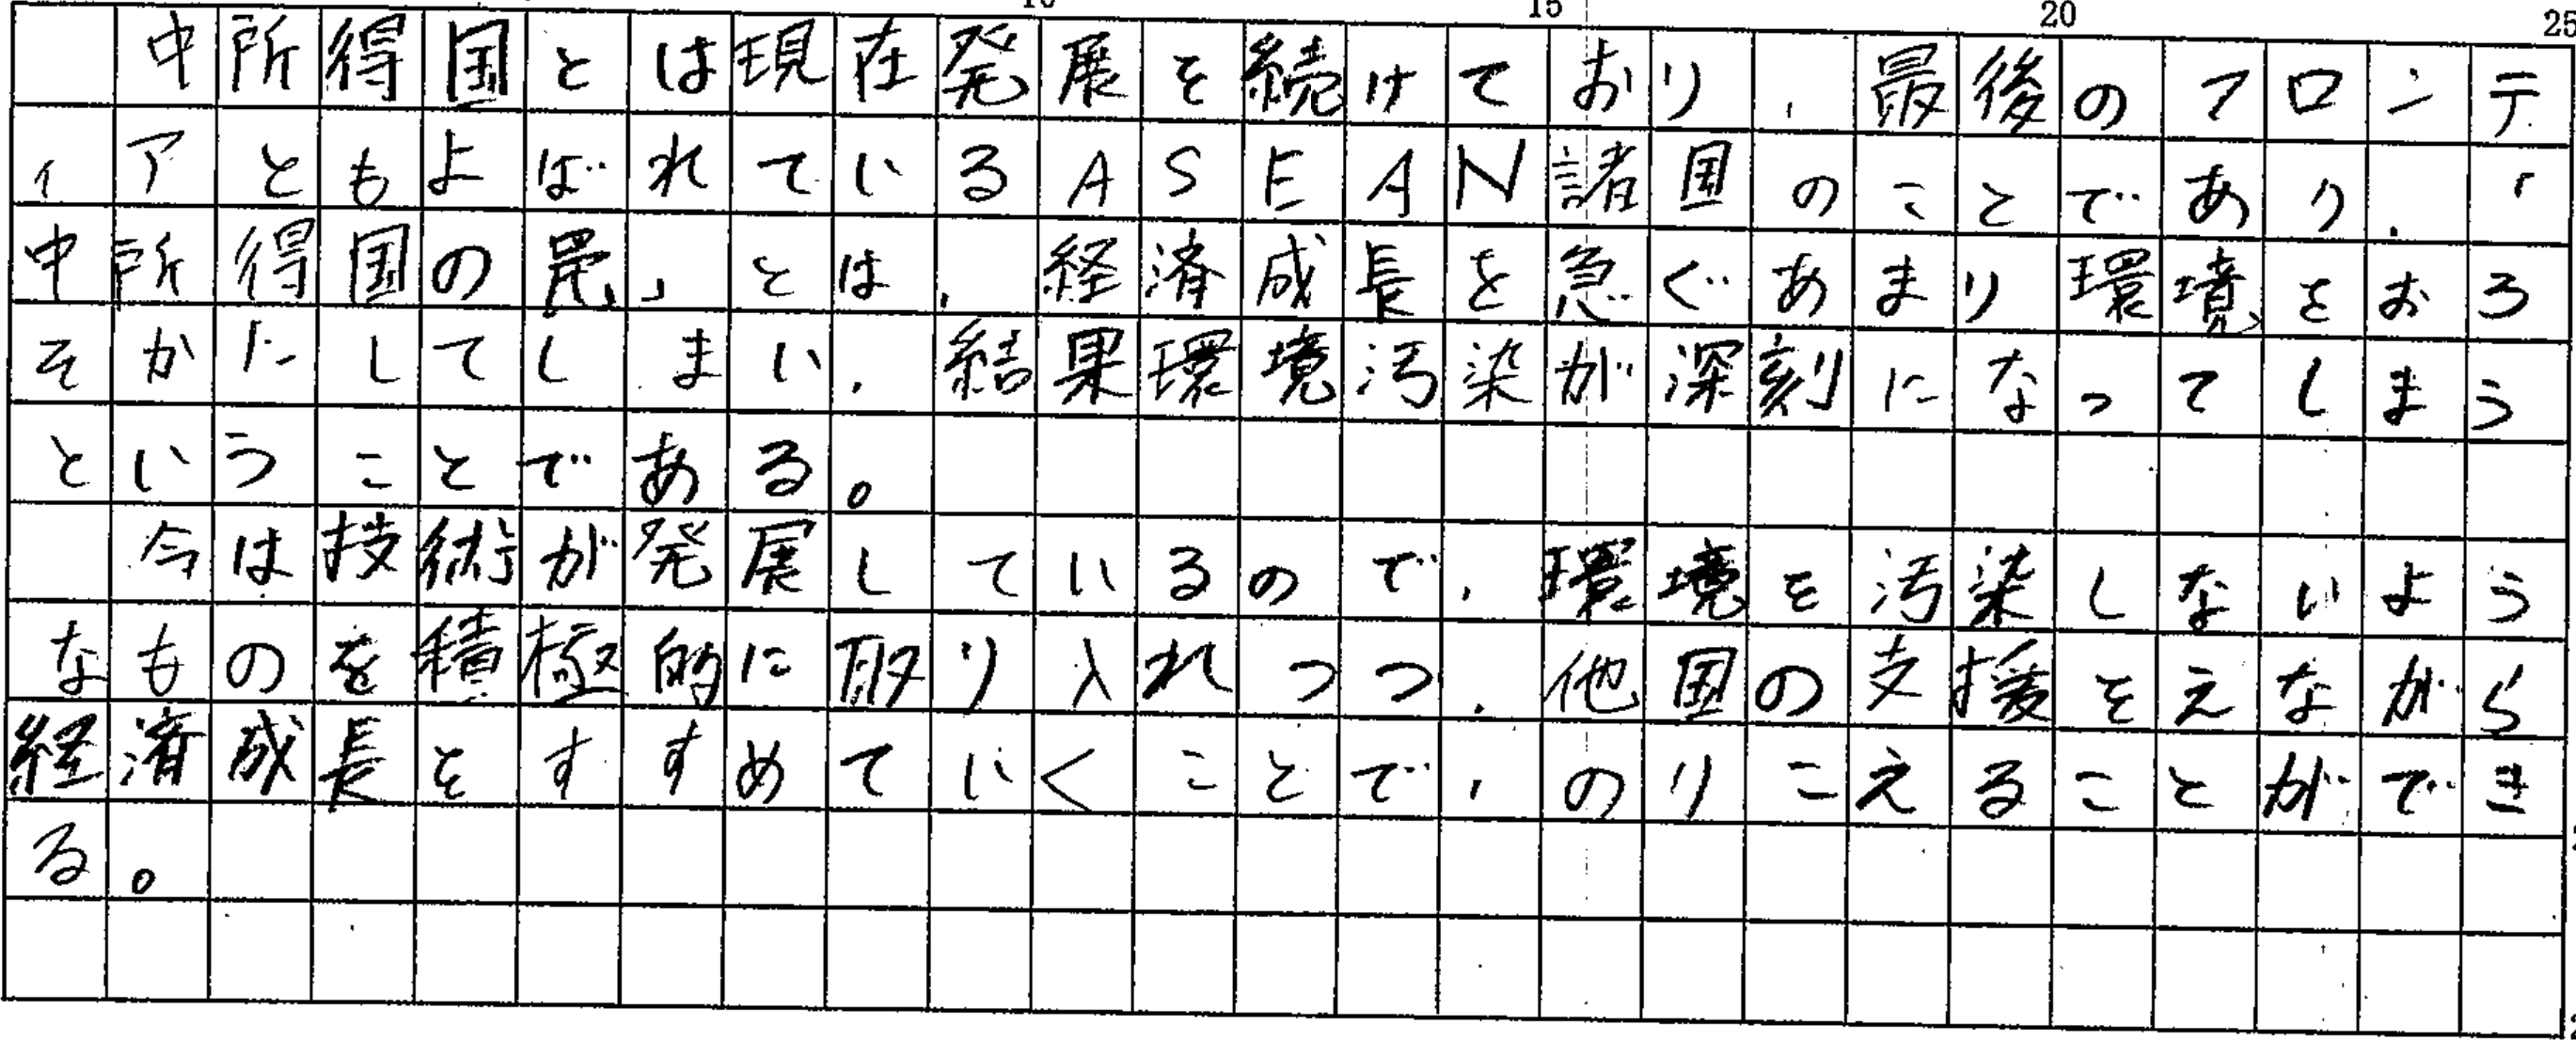　中所得国とは現在発展を続けており、最後のフロンティアともよばれているＡＳＥＡＮ諸国のことであり、「中所得国の罠」とは、経済成長を急ぐあまり環境をおろそかにしてしまい、結果環境汚染が深刻になってしまうということである。
　今は技術が発展しているので、環境を汚染しないようなものを積極的に取り入れつつ、他国の支援をえながら経済成長をすすめていくことで、のりこえることができる。
